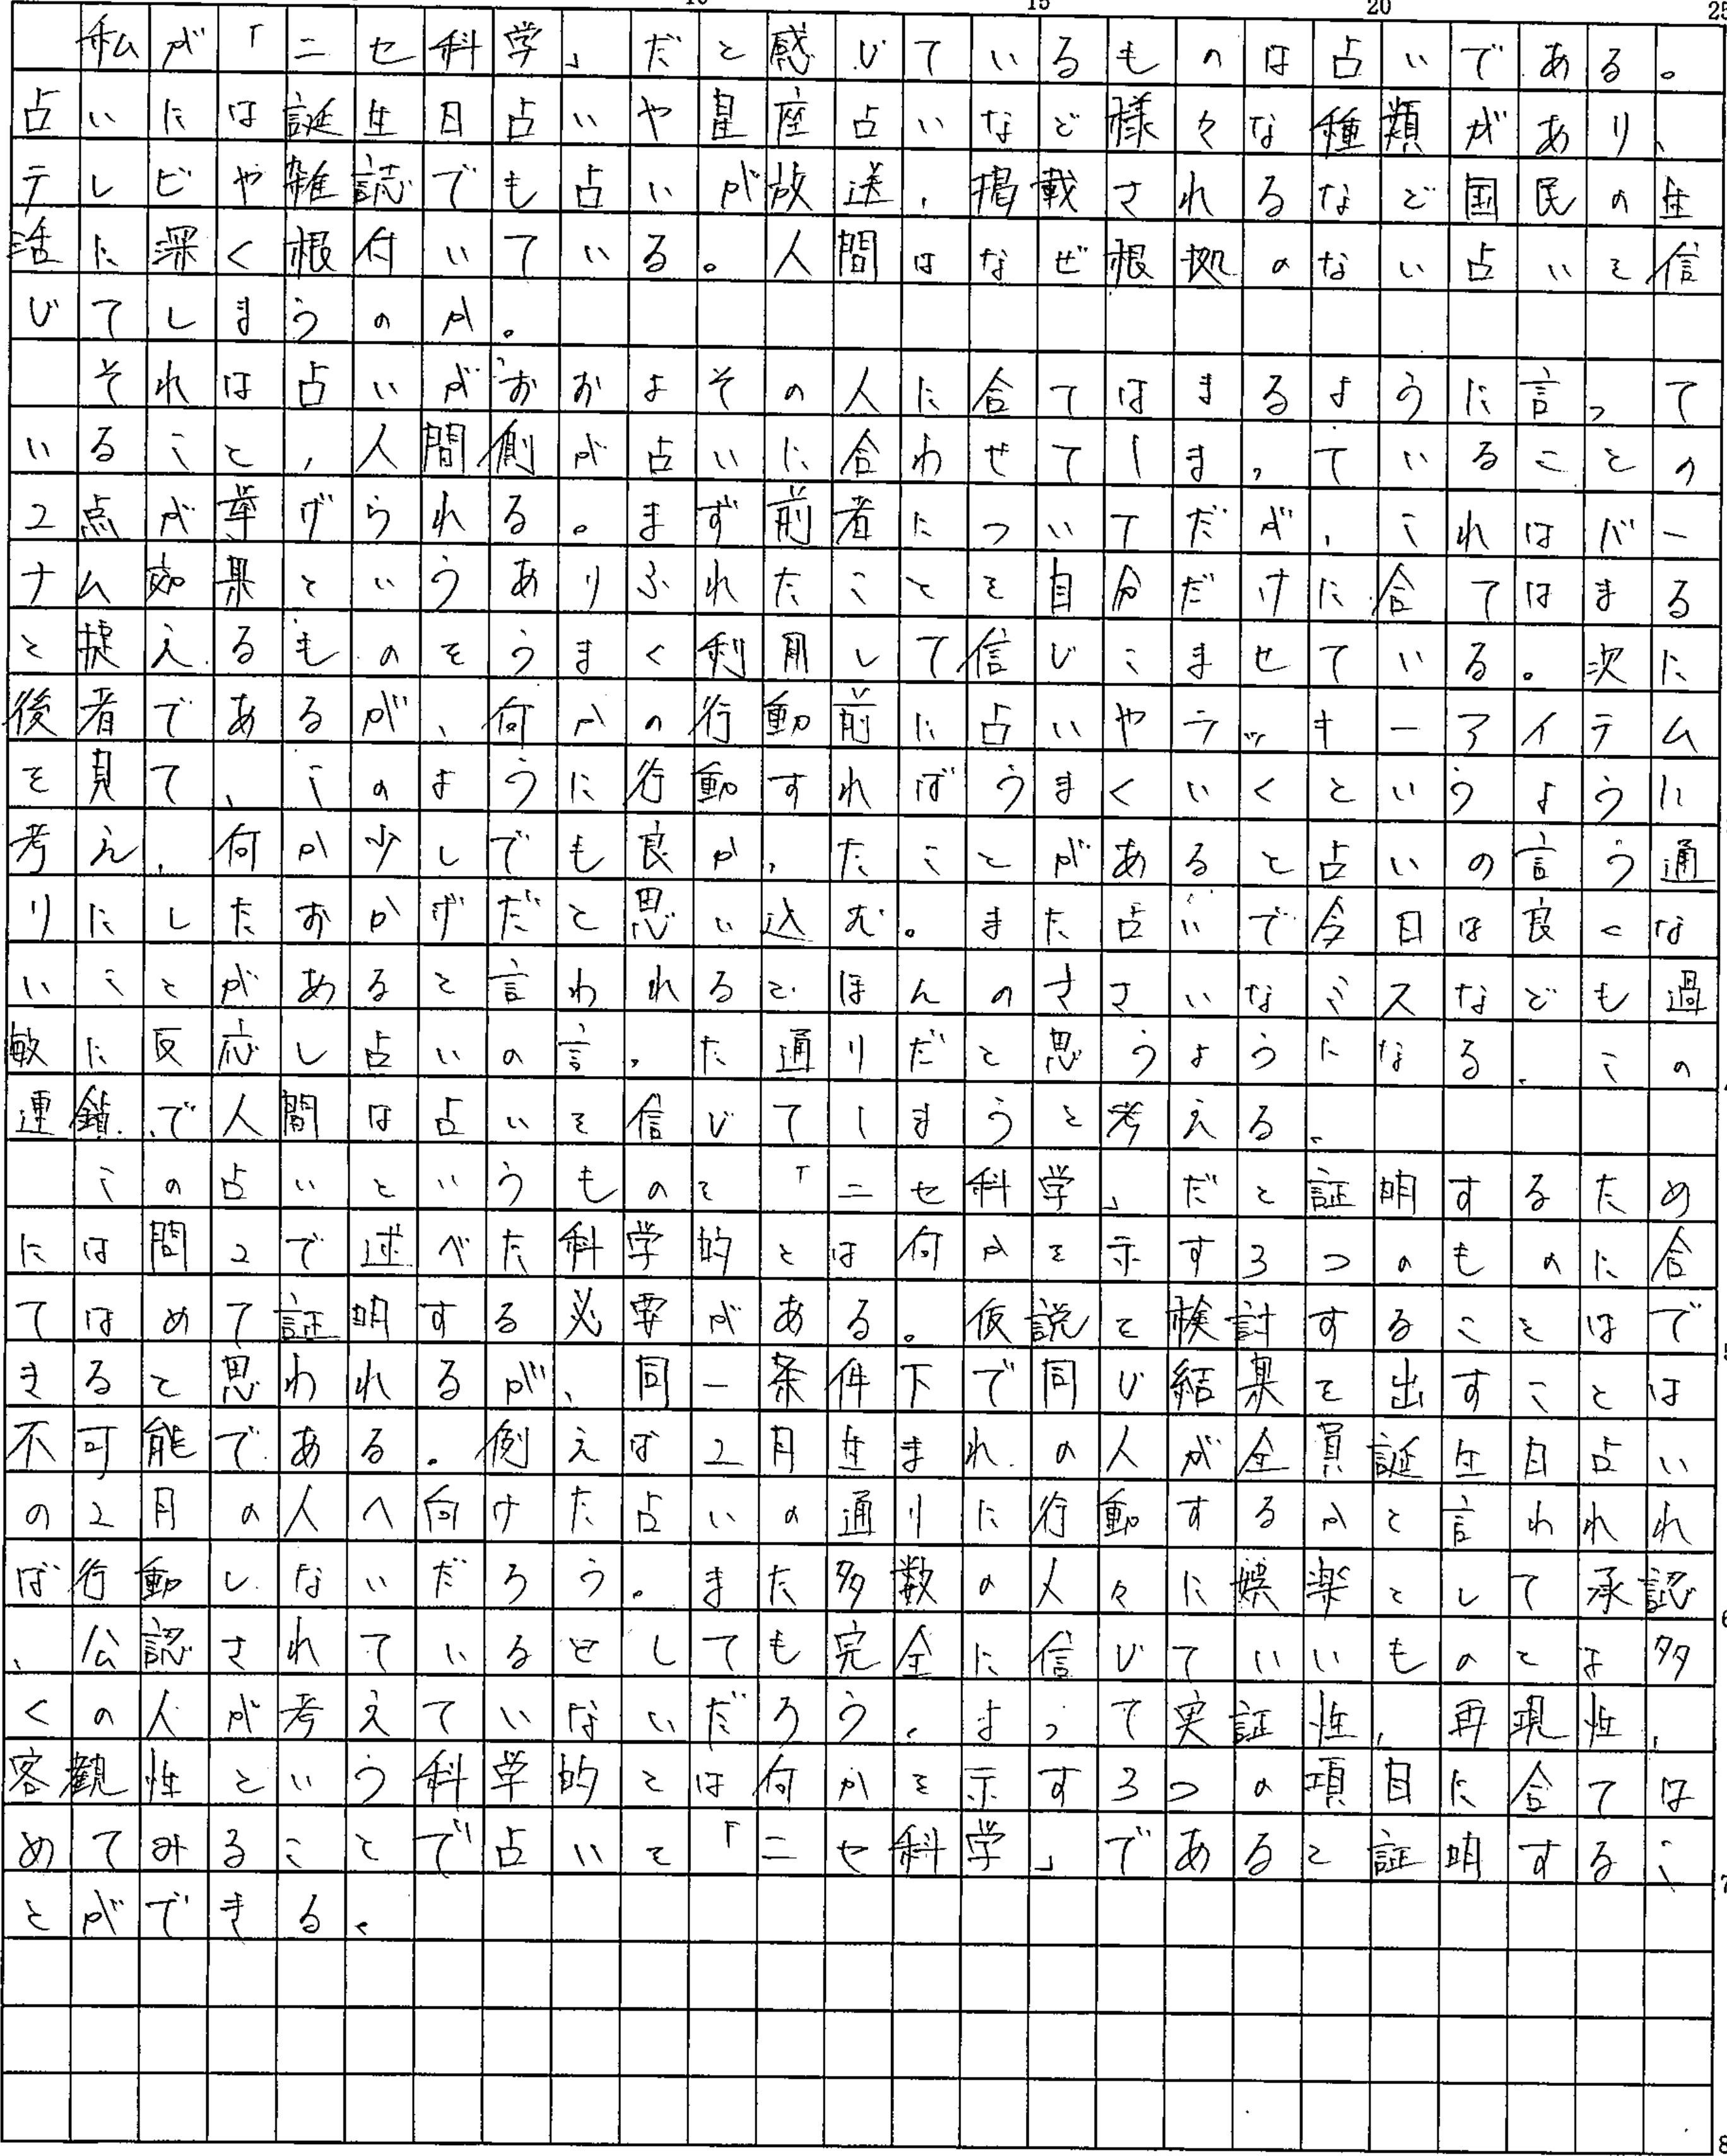　私が「ニセ科学」だと感じているものは占いである。占いには誕生日占いや星座占いなど様々な種類があり、テレビや雑誌でも占いが放送、掲載されるなど国民の生活に深く根付いている。人間はなぜ根拠のない占いを信じてしまうのか。
　それは占いがおおよその人に合てはまるように言っていること、人間側が占いに合わせてしまっていることの２点が挙げられる。まず前者についてだが、これはバーナム効果というありふれたことを自分だけに合てはまると捉えるものをうまく利用して信じこませている。次に後者であるが、何かの行動前に占いやラッキーアイテムを見て、このように行動すればうまくいくというように考え、何か少しでも良かったことがあると占いの言う通りにしたおかげだと思い込む。また占いで今日は良くないことがあると言われるとほんのささいなミスなども過敏に反応し占いの言った通りだと思うようになる。この連鎖で人間は占いを信じてしまうと考える。
　この占いというものを「ニセ科学」だと証明するためには問２で述べた科学的とは何かを示す３つのものに合てはめて証明する必要がある。仮説を検討することはできると思われるが、同一条件下で同じ結果を出すことは不可能である。例えば２月生まれの人が全員誕生日占いの２月の人へ向けた占いの通りに行動するかと言われれば行動しないだろう。また多数の人々に娯楽として承認、公認されているとしても完全に信じていいものとは多くの人が考えていないだろう。よって実証性、再現性、客観性という科学的とは何かを示す３つの項目に合てはめてみることで占いを「ニセ科学」であると証明することができる。
